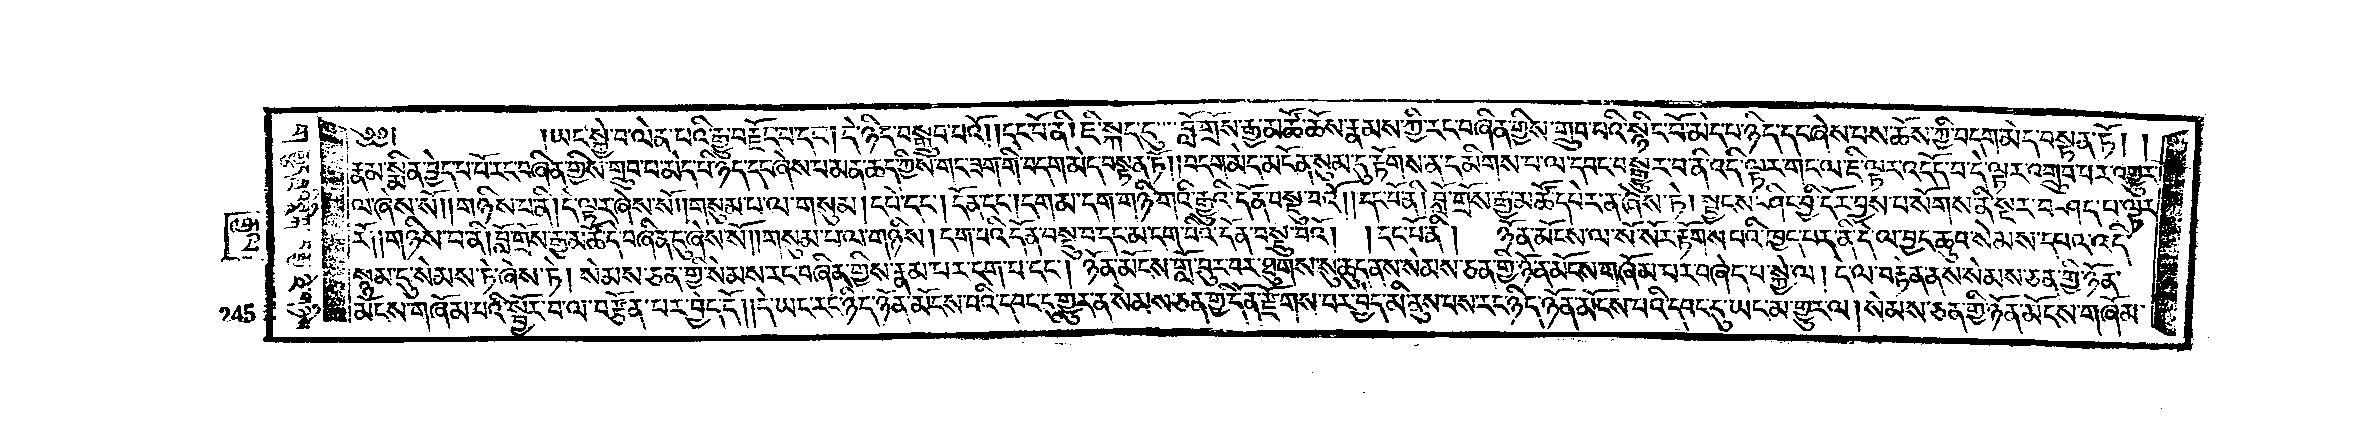༄༅། །ཡང་སྐྱེ་བ་ལེན་པའི་རྒྱུ་བརྗོད་པ་དང་། དེ་ཉིད་བསྒྲུབ་པའོ། །དང་པོ་ནི། ཇི་སྐད་དུ་བློ་གྲོས་རྒྱ་མཚོ་ཆོས་རྣམས་ཀྱི་རང་བཞིན་གྱིས་གྲུབ་པའི་སྙིང་པོ་མེད་པ་ཉིད་དང་ཞེས་པས་ཆོས་ཀྱི་བདག་མེད་བསྟན་ཏོ། །
རྣམ་སྨིན་བྱེད་པ་པོ་རང་བཞིན་གྱིས་གྲུབ་པ་མེད་པ་ཉིད་དང་ཞེས་པ་མན་ཆད་ཀྱིས་གང་ཟག་གི་བདག་མེད་བསྟན་ཏོ། །བདག་མེད་མངོན་སུམ་དུ་རྟོགས་ན་དམིགས་པ་ལ་དབང་བསྒྱུར་བ་ནི་འདི་ལྟར་གང་ལ་ཇི་ལྟར་འདོད་པ་དེ་ལྟར་འགྲུབ་པར་འགྱུར་
ལ་ཞེས་སོ། །གཉིས་པ་ནི། དེ་ལྟར་ཞེས་སོ། །གསུམ་པ་ལ་གསུམ། དཔེ་དང་། དོན་དང་། དག་མ་དག་གཉི་གའི་རྒྱུའི་དོན་བསྡུ་བའོ། །དང་པོ་ནི། བློ་གྲོས་རྒྱ་མཚོ་དཔེར་ན་ཞེས་ཏེ། སྦྱངས་ཤིང་བྱི་དོར་བྱས་པ་སོགས་ནི་སྔར་བཤད་པ་ལྟར་
རོ༑ ༑གཉིས་པ་ནི། བློ་གྲོས་རྒྱ་མཚོ་དེ་བཞིན་དུ་ཞེས་སོ། །གསུམ་པ་ལ་གཉིས། དག་པའི་དོན་བསྡུ་བ་དང་མ་དག་པའི་དོན་བསྡུ་བའོ། །དང་པོ་ནི། ཉོན་མོངས་ལ་སོ་སོར་རྟོགས་པའི་ཁྱད་པར་ནི་དེ་ལ་བྱང་ཆུབ་སེམས་དཔའ་འདི་
སྙམ་དུ་སེམས་ཏེ་ཞེས་ཏེ། སེམས་ཅན་གྱི་སེམས་རང་བཞིན་གྱིས་རྣམ་པར་དག་པ་དང་། ཉོན་མོངས་གློ་བུར་བར་ཐུགས་སུ་ཆུད་ནས་སེམས་ཅན་གྱི་ཉོན་མོངས་གཞོམ་པར་བཞེད་པ་སྐྱེ་ལ། དེ་ལ་བརྟེན་ནས་སེམས་ཅན་གྱི་ཉོན་
མོངས་གཞོམ་པའི་སྦྱོར་བ་ལ་བརྩོན་པར་བྱེད་དོ། །དེ་ཡང་རང་ཉིད་ཉོན་མོངས་པའི་དབང་དུ་གྱུར་ན་སེམས་ཅན་གྱི་དོན་རྫོགས་པར་བྱེད་མི་ནུས་པས་རང་ཉིད་ཉོན་མོངས་པའི་དབང་དུ་ཡང་མ་གྱུར་ལ། སེམས་ཅན་གྱི་ཉོན་མོངས་གཞོམ་